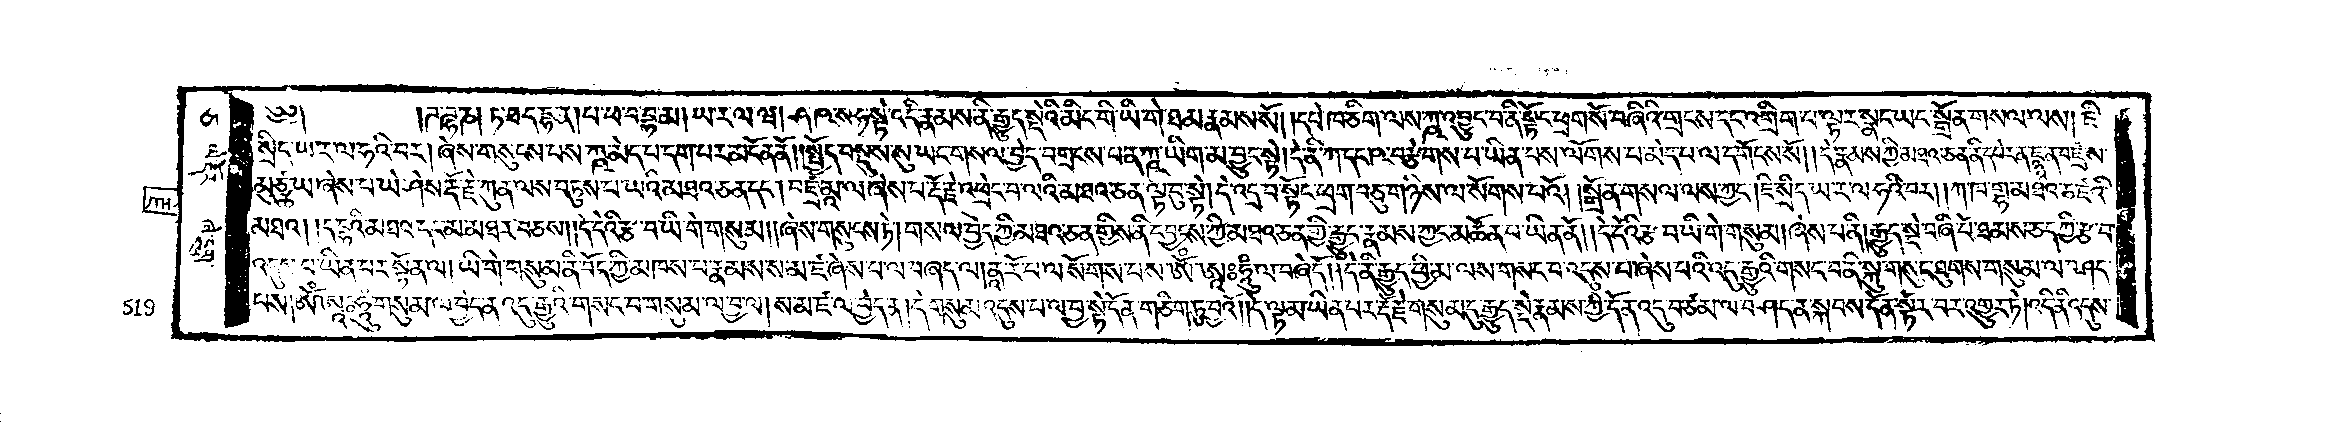༄༅། །ཌ་ཌྷ་ཎ། ཏ་ཐ་ད་དྷ་ན། པ་ཕ་བ་བྷ་མ། ཡ་ར་ལ་ཝ། ཤ་ཥ་ས་ཧ་སྟེ་འདི་རྣམས་ནི་རྒྱུད་སྡེའི་མིང་གི་ཡི་གེ་ཐ་མ་རྣམས་སོ། །དཔེ་ཁ་ཅིག་ལས་ཀྵ་འབྱུང་བ་ནི་སྟོང་ཕྲག་སོ་བཞིའི་གྲངས་དང་འགྲིག་པ་ལྟར་སྣང་ཡང་སྒྲོན་གསལ་ལས། ཇི་
སྲིད་ཡ་ར་ལ་ཧའི་བར། ཞེས་གསུངས་པས་ཀྵ་མེད་པ་དག་པར་མངོན་ནོ། །སྤྱོད་བསྡུས་སུ་ཡང་གསལ་བྱེད་བགྲངས་པ་ན་ཀྵ་ཡིག་མ་བྱུང་སྟེ། དེ་ནི་ཀ་དང་ཥ་བརྩེགས་པ་ཡིན་པས་ལོགས་པ་མེད་པ་ལ་དགོངས་སོ། །དེ་རྣམས་ཀྱི་མཐའ་ཅན་ནི་དཔེར་ན་ཛྙཱ་ན་བཛྲས་
མུཙྪ་ཡ་ཞེས་པ་ཡེ་ཤེས་རྡོ་རྗེ་ཀུན་ལས་བཏུས་པ་ཡའི་མཐའ་ཅན་དང་། བཛྲ་མཱ་ལ་ཞེས་པ་རྡོ་རྗེ་འཕྲེང་བ་ལའི་མཐའ་ཅན་ལྟ་བུ་སྟེ། དེ་འདྲ་བ་སྟོང་ཕྲག་བཅུ་གཉིས་ལ་སོགས་པའོ། །སྒྲོན་གསལ་ལས་ཀྱང་། ཇི་སྲིད་ཡ་ར་ལ་ཧའི་བར། །ཀ་ཁ་གྷ་མཐའ་ཎ་ཛའི་
མཐའ། །ད་དྷའི་མཐའ་དང་མ་མཐར་བཅས། །དེ་དེའི་རྩ་བ་ཡི་གེ་གསུམ། །ཞེས་གསུངས་ཏེ། གསལ་བྱེད་ཀྱི་མཐའ་ཅན་གྱིས་ནི་དབྱངས་ཀྱི་མཐའ་ཅན་གྱི་རྒྱུད་རྣམས་ཀྱང་མཚོན་པ་ཡིན་ནོ། །དེ་དེའི་རྩ་བ་ཡི་གེ་གསུམ། ཞེས་པ་ནི། རྒྱུད་སྡེ་བཞི་པོ་ཐམས་ཅད་ཀྱི་རྩ་བ་
འདུས་པ་ཡིན་པར་སྟོན་ལ། ཡི་གེ་གསུམ་ནི་བོད་ཀྱི་མཁས་པ་རྣམས་ས་མ་ཛ་ཞེས་པ་ལ་བཞེད་ལ། ནཱ་རོ་པ་ལ་སོགས་པས་ཨོཾ་ཨཱཿ ཧཱུཾ་ལ་བཞེད་དོ། །དེ་ནི་རྒྱུད་ཕྱི་མ་ལས་གསང་བ་འདུས་པ་ཞེས་པའི་འདུ་རྒྱུའི་གསང་བ་ནི་སྐུ་གསུང་ཐུགས་གསུམ་ལ་བཤད་
པས། ཨོཾ་ཨཱཿ ཧཱུཾ་གསུམ་ལ་བྱེད་ན་འདུ་རྒྱུའི་གསང་བ་གསུམ་ལ་བྱ་ལ། ས་མ་ཛ་ལ་བྱེད་ན། དེ་གསུམ་འདུས་པ་ལ་བྱ་སྟེ་དོན་གཅིག་ཏུ་བྱའོ། །དེ་ལྟ་མ་ཡིན་པར་རྡོ་རྗེ་གསུམ་དུ་རྒྱུད་སྡེ་རྣམས་ཀྱི་དོན་འདུ་བ་ཙམ་ལ་བཤད་ན་སྐབས་དོན་སྟོར་བར་འགྱུར་ཏེ། འདི་ནི་འདུས་